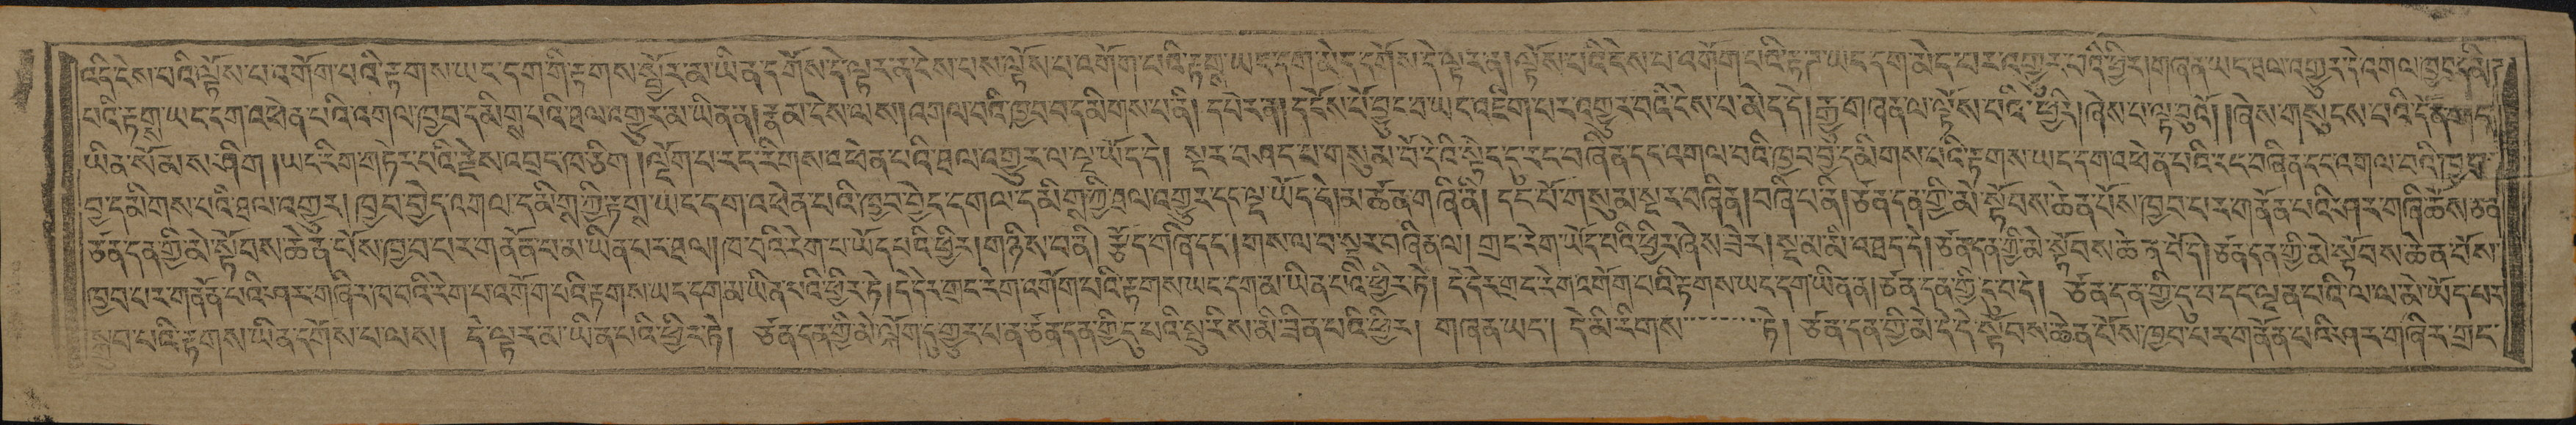འདི་ངེས་པའི་ལྟོས་པ་འགོག་པའི་རྟགས་ཡང་དག་གི་རྟགས་སྦྱོར་མ་ཡིན་དགོས་དེ་ལྟར་ན་ངེས་པས་ལྟོས་པ་འགོག་པའི་རྟགས་ཡང་དག་མེད་དགོས་དེ་ལྟར་ན། ལྟོས་པའི་ངེས་པ་འགོག་པའི་རྟགས་ཡང་དག་མེད་པར་འགྱུར་བའི་ཕྱིར། གཞན་ཡང་ཐལ་འགྱུར་དེ་འགལ་ཁྱབ་དམིགས་
པའི་རྟགས་ཡང་དག་འཕེན་པའི་འགལ་ཁྱབ་དམིགས་པའི་ཐལ་འགྱུར་མ་ཡིན་ན། རྣམ་ངེས་ལས། འགལ་བའི་ཁྱབ་བ་དམིགས་པ་ནི། དཔེར་ན། དངོས་པོ་བྱུང་བ་ཡང་འཇིག་པར་འགྱུར་བའི་ངེས་པ་མེད་དེ། རྒྱུ་གཞན་ལ་ལྟོས་པའི་ཕྱིར། ཞེས་པ་ལྟ་བུའོ། །ཞེས་གསུངས་པའི་དོན་གང་
ཡིན་སོམས་ཤིག །ཡང་རིག་གཏེར་བའི་རྗེས་འབྲང་ཁ་ཅིག །ལྡོག་པ་རང་རིགས་འཕེན་པའི་ཐལ་འགྱུར་ལ་ལྔ་ཡོད་དེ། སྔར་བཤད་པ་གསུམ་པོ་དེའི་སྟེང་དུ་རང་བཞིན་དང་འགལ་བའི་ཁྱབ་བྱ་དམིགས་པའི་རྟགས་ཡང་དག་འཕེན་པའི་རང་བཞིན་དང་འགལ་བའི་ཁྱབ་
བྱ་དམིགས་པའི་ཐལ་འགྱུར། ཁྱབ་བྱེད་འགལ་དམིགས་ཀྱི་རྟགས་ཡང་དག་འཕེན་པའི་ཁྱབ་བྱེད་དགལ་དམིགས་ཀྱི་ཐལ་འགྱུར་དང་ལྔ་ཡོད་དེ། མཚན་གཞི་ནི། དང་པོ་གསུམ་སྔར་བཞིན། བཞི་པ་ནི། ཙན་དན་གྱི་མེ་སྟོབས་ཆེན་པོས་ཁྱབ་པར་གནོན་པའི་ཤར་གཞི་ཆོས་ཅན་
ཙན་དན་གྱི་མེ་སྟོབས་ཆེན་པོས་ཁྱབ་པར་གནོན་པ་མ་ཡིན་པར་ཐལ། ཁ་བའི་རེག་པ་ཡོད་པའི་ཕྱིར། གཉིས་པ་ནི། རྩོད་གཞི་དང་། གསལ་བ་སྔར་བཞིན་ལ། གྲང་རེག་ཡོད་པའི་ཕྱིར་ཞེས་ཟེར། སྔ་མ་མི་འཐད་དེ། ཙན་དན་གྱི་མེ་སྟོབས་ཆེན་པོ་དེ། ཙན་དན་གྱི་མེ་སྟོབས་ཆེན་པོས་
ཁྱབ་པར་གནོན་པའི་ཤར་གཞིར་ཁ་བའི་རེག་པ་འགོག་པའི་རྟགས་ཡང་དག་མ་ཡིན་པའི་ཕྱིར་ཏེ། དེ་དེར་གྲང་རེག་འགོག་པའི་རྟགས་ཡང་དག་མ་ཡིན་པའི་ཕྱིར་ཏེ། དེ་དེར་གྲང་རེག་འགོག་པའི་རྟགས་ཡང་དག་ཡིན་ན། ཙན་དན་གྱི་དུ་བ་དེ། ཙན་དན་གྱི་དུ་བ་དང་ལྡན་པའི་ལ་ལ་མེ་ཡོད་པར་
སྒྲུབ་པའི་རྟགས་ཡིན་དགོས་པ་ལས། དེ་ལྟར་མ་ཡིན་པའི་ཕྱིར་ཏེ། ཙན་དན་གྱི་མེ་ལྐོག་དུ་གྱུར་པ་ན་ཙན་དན་གྱི་དུ་པའི་སྤུ་རིས་མི་ཟིན་པའི་ཕྱིར། གཞན་ཡང་། དེ་མི་རིགས་ཏེ། ཙན་དན་གྱི་མེ་དེ་དེ་སྟོབས་ཆེན་པོས་ཁྱབ་པར་གནོན་པའི་ཤར་གཞིར་གྲང་